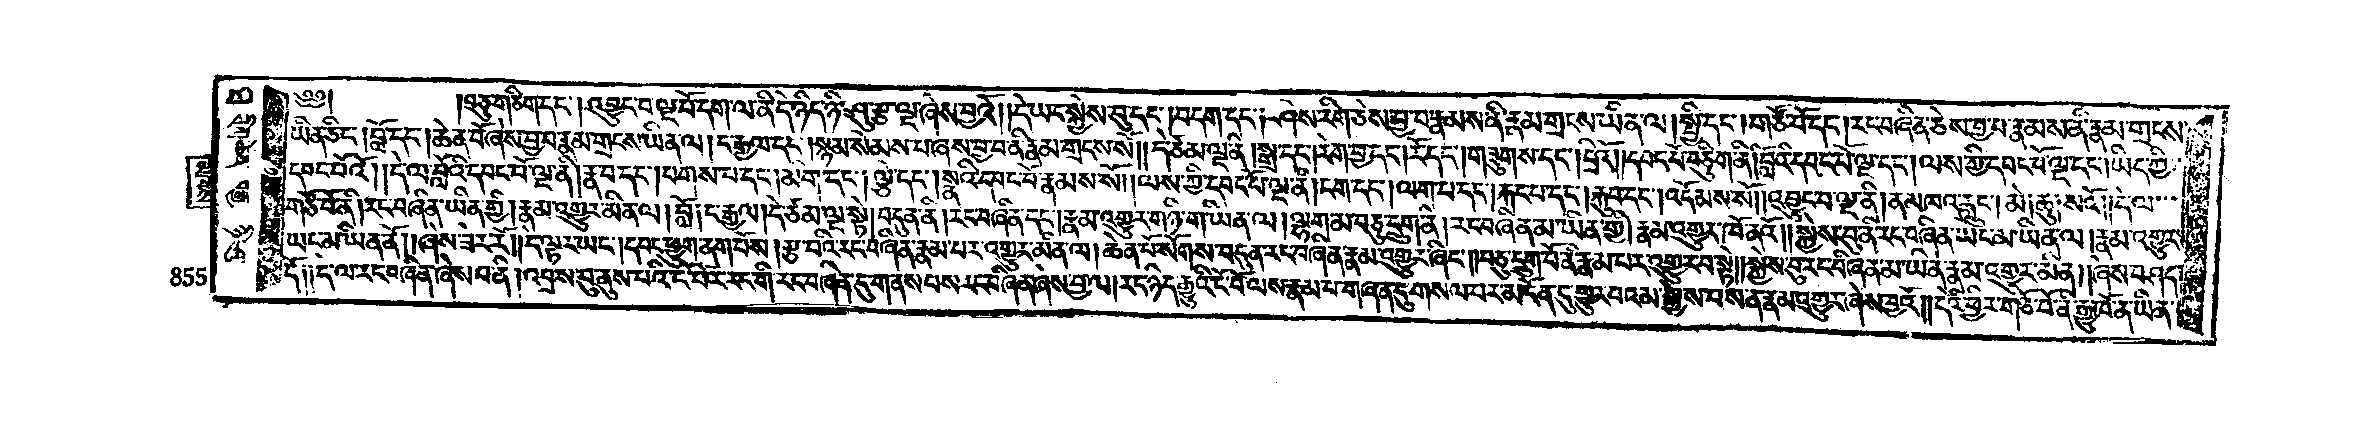༄༅། །བཅུ་གཅིག་དང་། འབྱུང་བ་ལྔ་པོ་དག་ལ་ནི་དེ་ཉིད་ཉི་ཤུ་རྩ་ལྔ་ཞེས་བྱའོ། །དེ་ཡང་སྐྱེས་བུ་དང་། བདག་དང་། ཤེས་རིག་ཅེས་བྱ་བ་རྣམས་ནི་རྣམ་གྲངས་ཡིན་ལ། སྤྱི་དང་། གཙོ་བོ་དང་། རང་བཞིན་ཅེས་བྱ་བ་རྣམས་ནི་རྣམ་གྲངས་
ཡིན་ཅིང་། བློ་དང་། ཆེན་པོ་ཞེས་བྱ་བ་རྣམ་གྲངས་ཡིན་ལ། ང་རྒྱལ་དང་། སྙམ་སེམས་པ་ཞེས་བྱ་བ་ནི་རྣམ་གྲངས་སོ། །དེ་ཙམ་ལྔ་ནི། སྒྲ་དང་། རེག་བྱ་དང་། རོ་དང་། གཟུགས་དང་། དྲིའོ། །དབང་པོ་བཅུ་གཅིག་ནི། བློའི་དབང་པོ་ལྔ་དང་། ལས་ཀྱི་དབང་པོ་ལྔ་དང་། ཡིད་ཀྱི་
དབང་པོའོ། །དེ་ལ་བློའི་དབང་པོ་ལྔ་ནི། རྣ་བ་དང་། པགས་པ་དང་། མིག་དང་། ལྕེ་དང་། སྣའི་དབང་པོ་རྣམས་སོ། །ལས་ཀྱི་དབང་པོ་ལྔ་ནི། ངག་དང་། ལག་པ་དང་། རྐང་པ་དང་། རྐུབ་དང་། འདོམས་སོ། །འབྱུང་བ་ལྔ་ནི། ནམ་མཁའ་རླུང་། མེ། ཆུ། སའོ། །དེ་ལ་
གཙོ་བོ་ནི། རང་བཞིན་ཡིན་གྱི། རྣམ་འགྱུར་མིན་ལ། བློ། ང་རྒྱལ། དེ་ཙམ་ལྔ་སྟེ། བདུན་ནི། རང་བཞིན་དང་། རྣམ་འགྱུར་གཉི་ག་ཡིན་ལ། ལྷག་མ་བཅུ་དྲུག་ནི། རང་བཞིན་མ་ཡིན་གྱི། རྣམ་འགྱུར་ཁོ་ནའོ། །སྐྱེས་བུ་ནི་རང་བཞིན་ཡང་མ་ཡིན་ལ། རྣམ་འགྱུར་
ཡང་མ་ཡིན་ནོ། །ཞེས་ཟེར་རོ། །དེ་ལྟར་ཡང་། དབང་ཕྱུག་ནག་པོས། རྩ་བའི་རང་བཞིན་རྣམ་པར་འགྱུར་མིན་ལ། ཆེན་པོ་སོགས་བདུན་རང་བཞིན་རྣམ་འགྱུར་ཞིང་། །བཅུ་དྲུག་པོ་ནི་རྣམ་པར་འགྱུར་བ་སྟེ། །སྐྱེས་བུ་རང་བཞིན་མ་ཡིན་རྣམ་འགྱུར་མིན། །ཞེས་བཤད་
དོ། །དེ་ལ་རང་བཞིན་ཞེས་པ་ནི། འབྲས་བུ་ནུས་པའི་ངོ་བོར་རང་གི་རང་བཞིན་དུ་གནས་པས་རང་བཞིན་ཞེས་བྱ་ལ། རང་ཉིད་རྒྱུའི་ངོ་བོ་ལས་རྣམ་པ་གཞན་དུ་གསལ་བར་མངོན་དུ་གྱུར་བའམ་སྐྱེས་པས་ན་རྣམ་འགྱུར་ཞེས་བྱའོ། །དེའི་ཕྱིར་གཙོ་བོ་ནི་རྒྱུ་ཁོ་ན་ཡིན་